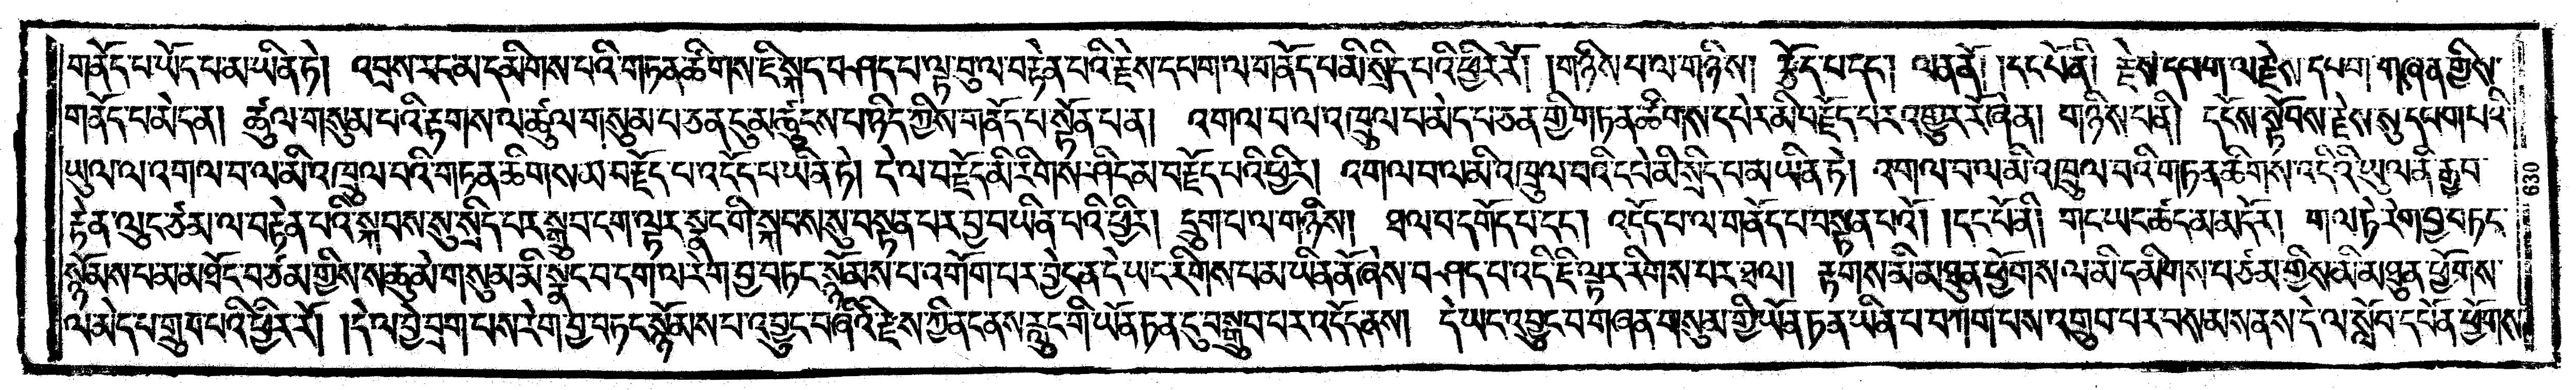གནོད་པ་ཡོད་པ་མ་ཡིན་ཏེ། འབྲས་རང་མ་དམིགས་པའི་གཏན་ཚིགས་ཇི་སྐད་བཤད་པ་ལྟ་བུ་ལ་བརྟེན་པའི་རྗེས་དཔག་ལ་གནོད་པ་མི་སྲིད་པའི་ཕྱིར་རོ། །གཉིས་པ་ལ་གཉིས། རྩོད་པ་དང་། ལན་ནོ། །དང་པོ་ནི། རྗེས་དཔག་ལ་རྗེས་དཔག་གཞན་གྱིས་
གནོད་པ་མེད་ན། ཚུལ་གསུམ་པའི་རྟགས་ལ་ཚུལ་གསུམ་པ་ཅན་དུ་མཚུངས་པ་ཉིད་ཀྱིས་གནོད་པ་སྟོན་པ་ན། འགལ་བ་ལ་འཁྲུལ་པ་མེད་པ་ཅན་གྱི་གཏན་ཚིགས་དཔེར་མི་བརྗོད་པར་འགྱུར་རོ་ཞེ་ན། གཉིས་པ་ནི། དངོས་སྟོབས་རྗེས་སུ་དཔག་པའི་
ཡུལ་ལ་འགལ་བ་ལ་མི་འཁྲུལ་བའི་གཏན་ཚིགས་མ་བརྗོད་པ་འདོད་པ་ཡིན་ཏེ། དེ་ལ་བརྗོད་མི་རིགས་ཤིང་མ་བརྗོད་པའི་ཕྱིར། འགལ་བ་ལ་མི་འཁྲུལ་བའི་དཔེ་མི་སྲིད་པ་མ་ཡིན་ཏེ། འགལ་བ་ལ་མི་འཁྲུལ་བའི་གཏན་ཚིགས་འདིའི་ཡུལ་ནི་རྒྱབ་
རྟེན་ལུང་ཙམ་ལ་བརྟེན་པའི་སྐབས་སུ་སྲིད་པར་སྒྲུབ་ངག་ལྟར་སྣང་གི་སྐབས་སུ་བསྟན་པར་བྱ་བ་ཡིན་པའི་ཕྱིར། དྲུག་པ་ལ་གཉིས། ཐལ་བ་དགོད་པ་དང་། འདོད་པ་ལ་གནོད་པ་བསྟན་པའོ། །དང་པོ་ནི། གང་ཡང་ཚད་མ་མདོར། གལ་ཏེ་རེག་བྱ་བཏང་
སྙོམས་པ་མ་མཐོང་བ་ཙམ་གྱིས་ས་ཆུ་མེ་གསུམ་མི་སྣང་བ་དག་ལ་རེག་བྱ་བཏང་སྙོམས་པ་འགོག་པར་བྱེད་ན་དེ་ཡང་རིགས་པ་མ་ཡིན་ནོ་ཞེས་བཤད་པ་འདི་ཇི་ལྟར་རིགས་པར་ཐལ། རྟགས་མི་མཐུན་ཕྱོགས་ལ་མི་དམིགས་པ་ཙམ་གྱིས་མི་མཐུན་ཕྱོགས་
ལ་མེད་པ་གྲུབ་པའི་ཕྱིར་རོ། །དེ་ལ་བྱེ་བྲག་པས་རེག་བྱ་བཏང་སྙོམས་པ་འབྱུང་བཞིའི་རྫས་ཀྱི་ནང་ནས་རླུང་གི་ཡོན་ཏན་དུ་བསྒྲུབ་པར་འདོད་ནས། དེ་ཡང་འབྱུང་བ་གཞན་གསུམ་གྱི་ཡོན་ཏན་ཡིན་པ་བཀག་པས་འགྲུབ་པར་བསམས་ནས་དེ་ལ་སློབ་དཔོན་ཕྱོགས་